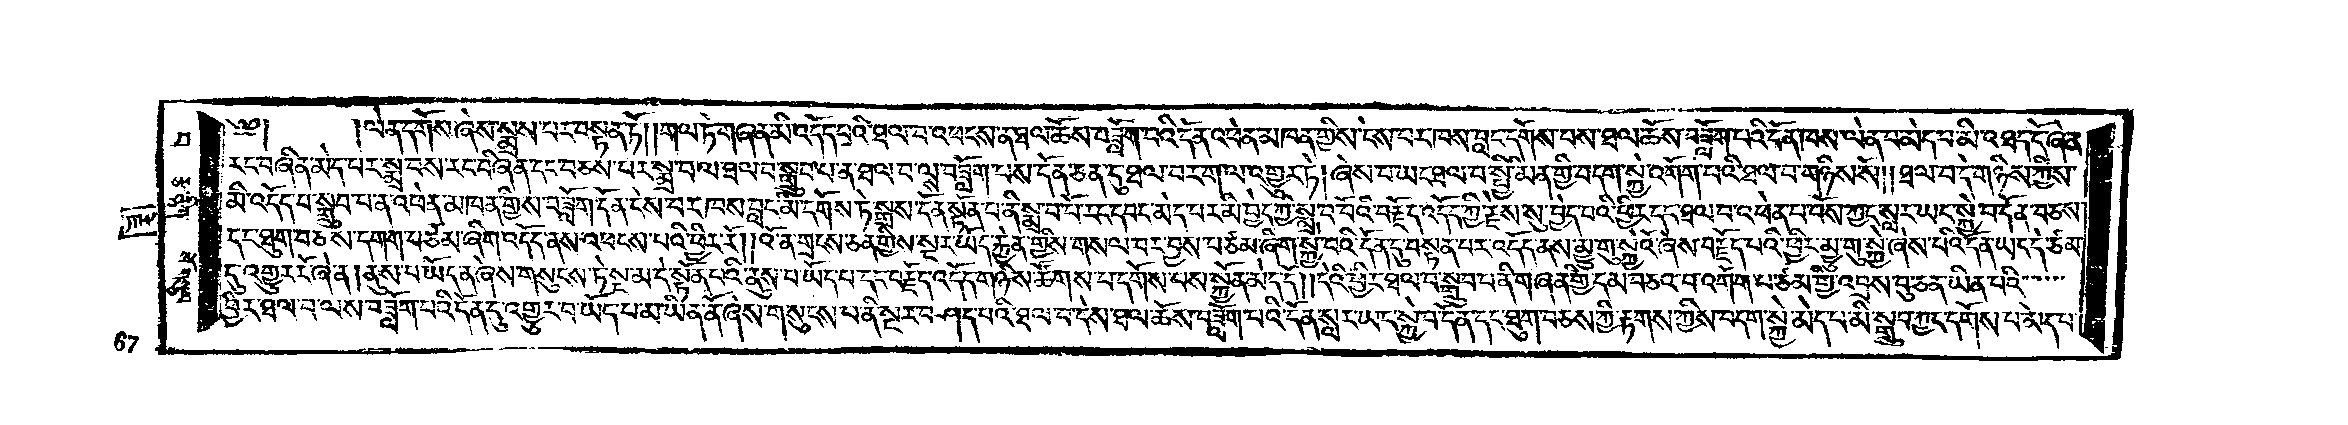༄༅། །ལེན་དགོས་ཞེས་སྨྲས་པར་བསྟན་ཏོ། །གལ་ཏེ་གཞན་མི་འདོད་པའི་ཐལ་བ་འཕངས་ན་ཐལ་ཆོས་བཟློག་པའི་དོན་འཕེན་མཁན་གྱིས་ངེས་པར་ཁས་བླང་དགོས་པས་ཐལ་ཆོས་བཟློག་པའི་དོན་ཁས་ལེན་པ་མེད་པ་མི་འཐད་དོ་ཞེ་ན་
རང་བཞིན་མེད་པར་སྨྲ་བས་རང་བཞིན་དང་བཅས་པར་སྨྲ་བ་ཐལ་བ་སྒྲུབ་པ་ན་ཐལ་བ་ལས་བཟློག་པས་དོན་ཅན་དུ་ཐལ་བར་ག་ལ་འགྱུར་ཏེ། ཞེས་པ་ཡང་ཐལ་བ་སྤྱི་མིན་གྱི་བདག་སྐྱེ་འགོག་པའི་ཐལ་བ་གཉིས་སོ། །ཐལ་བ་དེ་གཉིས་ཀྱིས་
མི་འདོད་པ་སྒྲུབ་པ་ན་འཕེན་མཁན་གྱིས་བཟློག་དོན་ངེས་པར་ཁས་བླང་མི་དགོས་ཏེ་སྒྲས་དོན་སྟོན་པ་ནི་སྒྲ་བ་པོ་རང་དབང་མེད་པར་མི་བྱེད་ཀྱི་སྨྲ་བ་པོའི་བརྗོད་འདོད་ཀྱི་རྗེས་སུ་བྱེད་པའི་ཕྱིར་དང་ཐལ་བ་འཕེན་པ་པོས་ཀྱང་སླར་ཡང་སྐྱེ་བ་དོན་བཅས་
དང་ཐུག་བཅས་དགག་པ་ཙམ་ཞིག་འདོད་ནས་འཕངས་པའི་ཕྱིར་རོ། །འོ་ན་གྲངས་ཅན་གྱིས་སྔར་ཡོད་རྐྱེན་གྱིས་གསལ་བར་བྱས་པ་ཙམ་ཞིག་སྐྱེ་བའི་དོན་དུ་བསྟན་པར་འདོད་ནས་མྱུ་གུ་སྐྱེའོ་ཞེས་བརྗོད་པའི་ཕྱིར་མྱུ་གུ་སྐྱེ་ཞེས་པའི་དོན་ཡང་དེ་ཙམ་དུ་འགྱུར་རོ་ཞེ་ན། ནུས་པ་ཡོད་ན་ཞེས་གསུངས་ཏེ་སྔ་མ་དེ་སྟོན་པའི་ནུས་པ་ཡོད་པ་དང་བརྗོད་འདོད་གཉིས་ཚོགས་པ་དགོས་པས་སྐྱོན་མེད་དོ། །དེའི་ཕྱིར་ཐལ་བ་སྒྲུབ་པ་ནི་གཞན་གྱི་དམ་བཅའ་བ་འགོག་པ་ཙམ་གྱི་འབྲས་བུ་ཅན་ཡིན་པའི་
ཕྱིར་ཐལ་བ་ལས་བཟློག་པའི་དོན་དུ་འགྱུར་བ་ཡོད་པ་མ་ཡིན་ནོ་ཞེས་གསུངས་པ་ནི་སྔར་བཤད་པའི་ཐལ་བ་དེས་ཐལ་ཆོས་བཟློག་པའི་དོན་སླར་ཡང་སྐྱེ་བ་དོན་དང་ཐུག་བཅས་ཀྱི་རྟགས་ཀྱིས་བདག་སྐྱེ་མེད་པ་མི་སྒྲུབ་ཀྱང་དགོས་པ་མེད་པ་